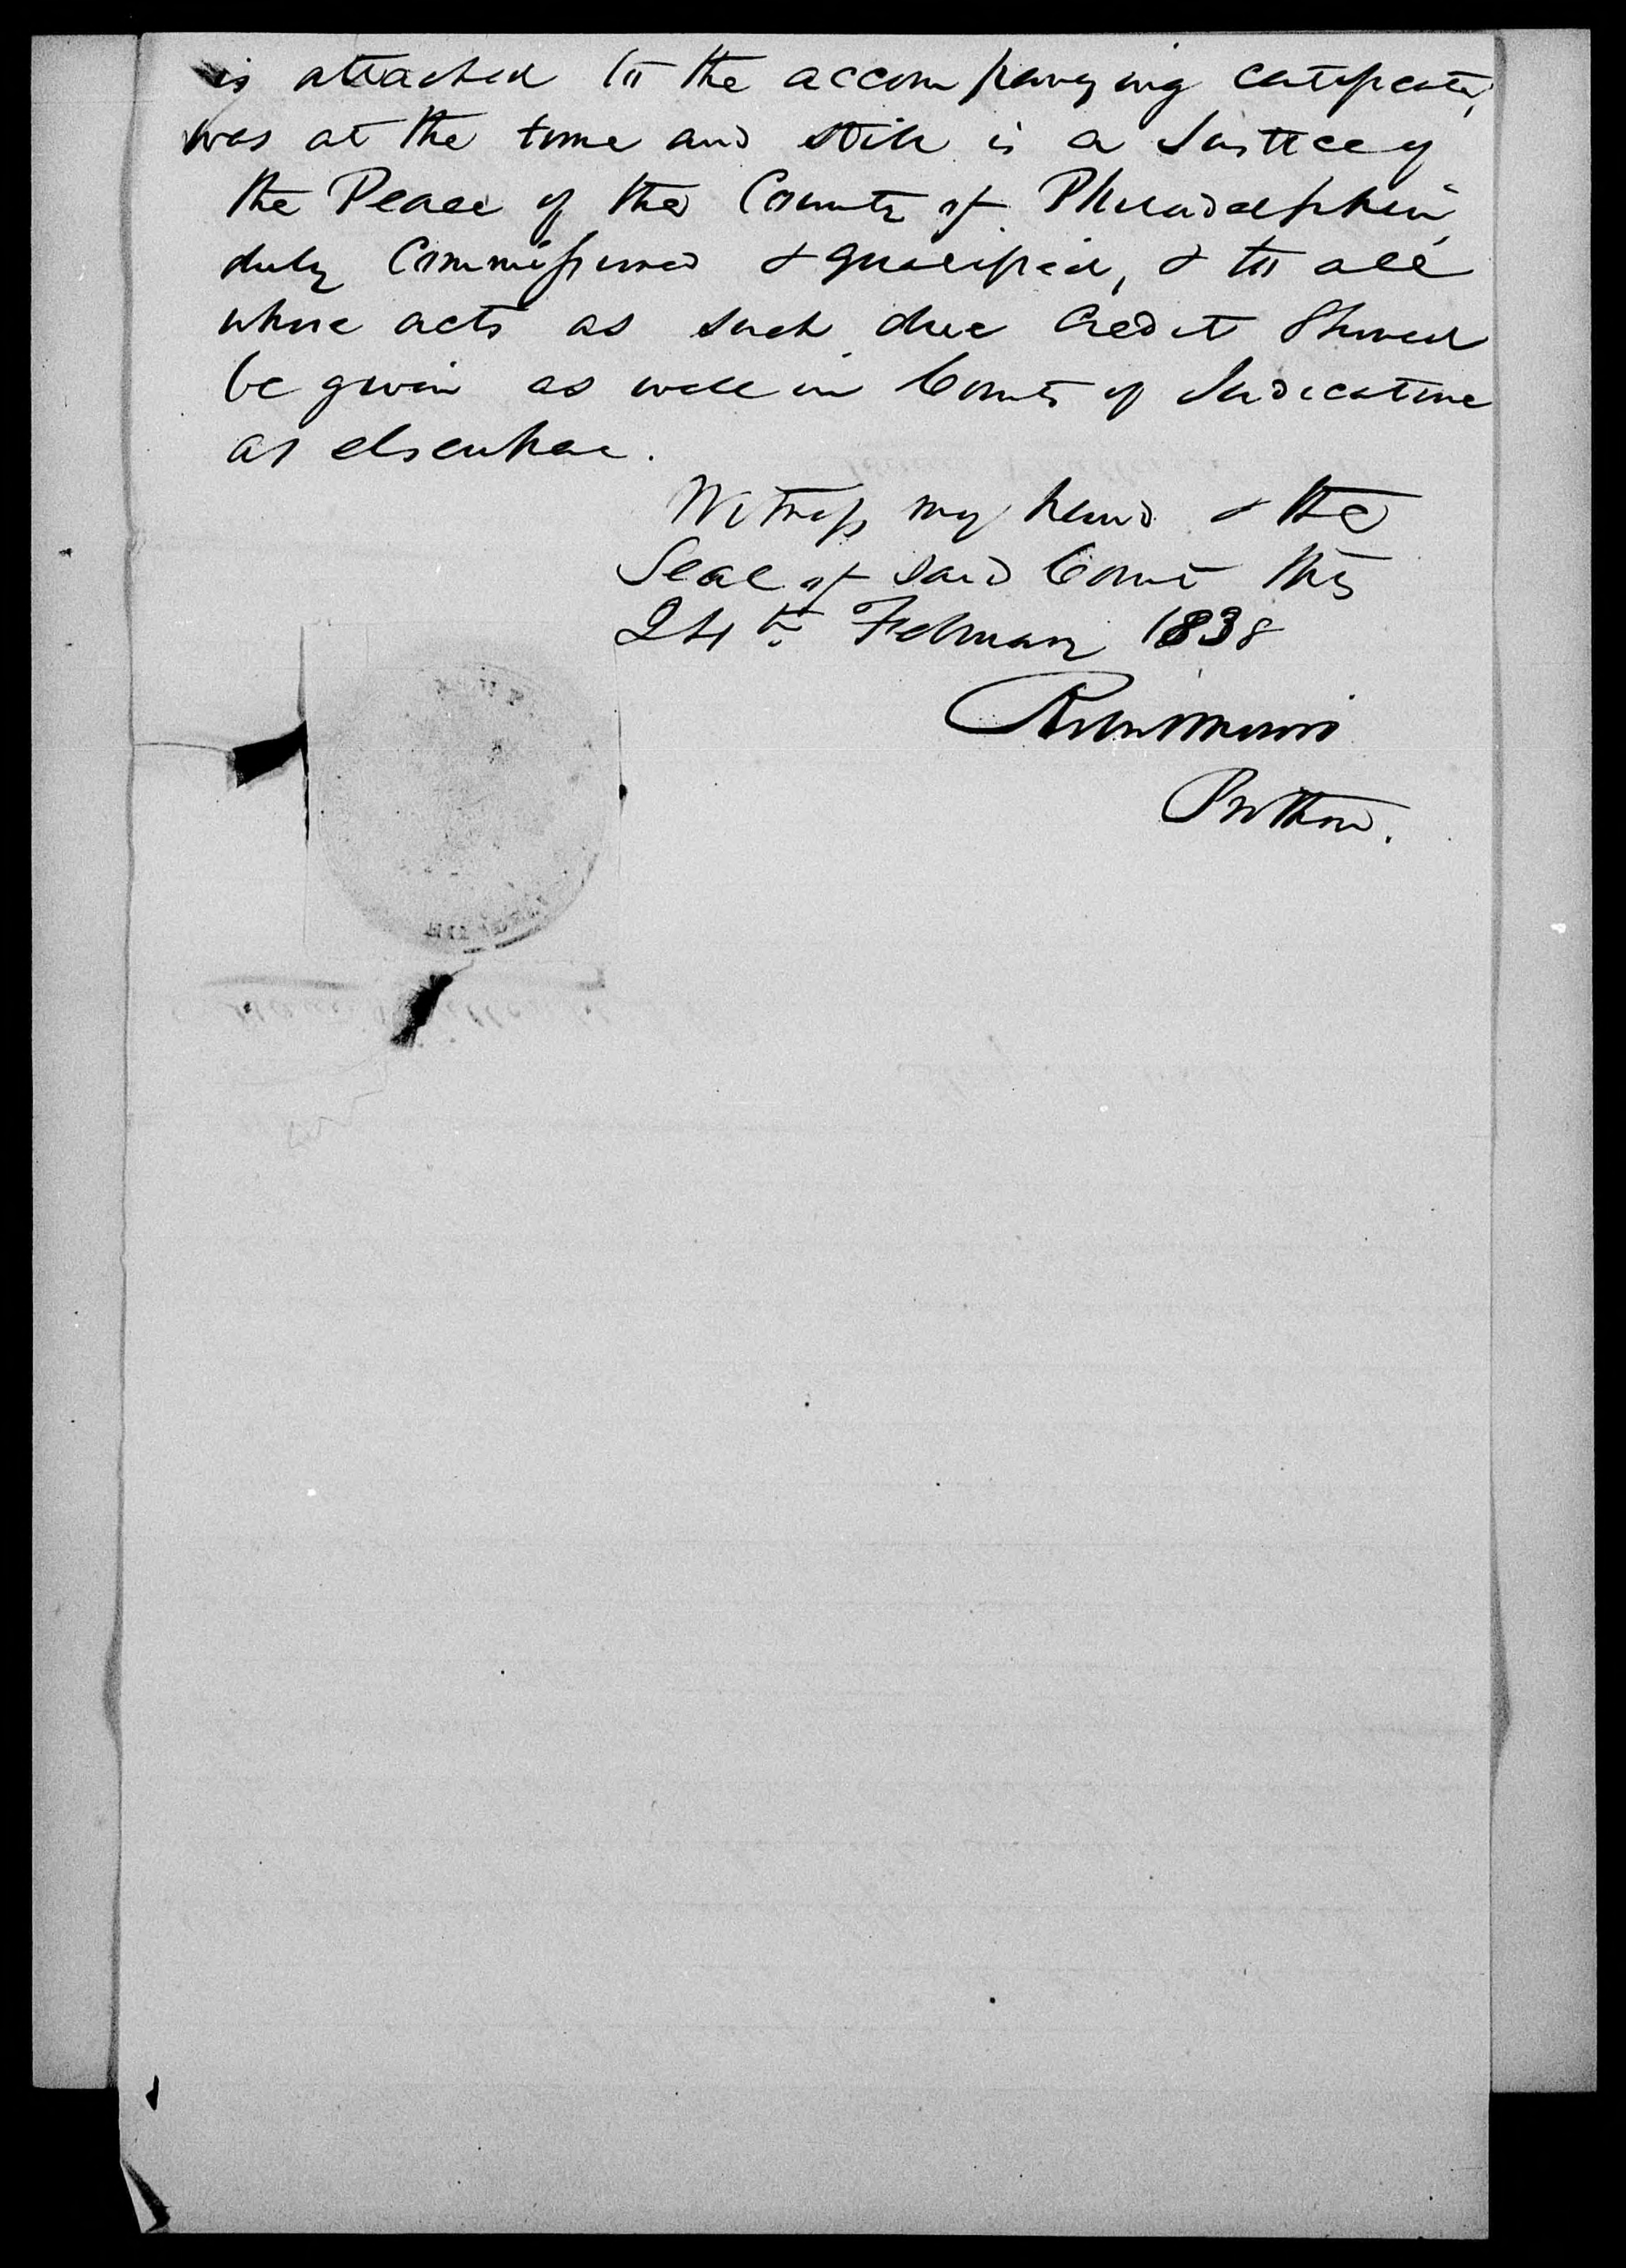is attached to the accompanying certificate, was at the time and still is a Justice of the Peace of the County of Philadelphia, duly commissioned & qualified, & to all where acts as such due credit [ineligible] be given as well in Courts of [ineligible] as elsewhere.

Witness my hand & the Seal of said Court this
24th February 1838
Robert Morris
 Prothon.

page: 79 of 86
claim: widow's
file: W. 3571, for David Marshall, Pennsylvania